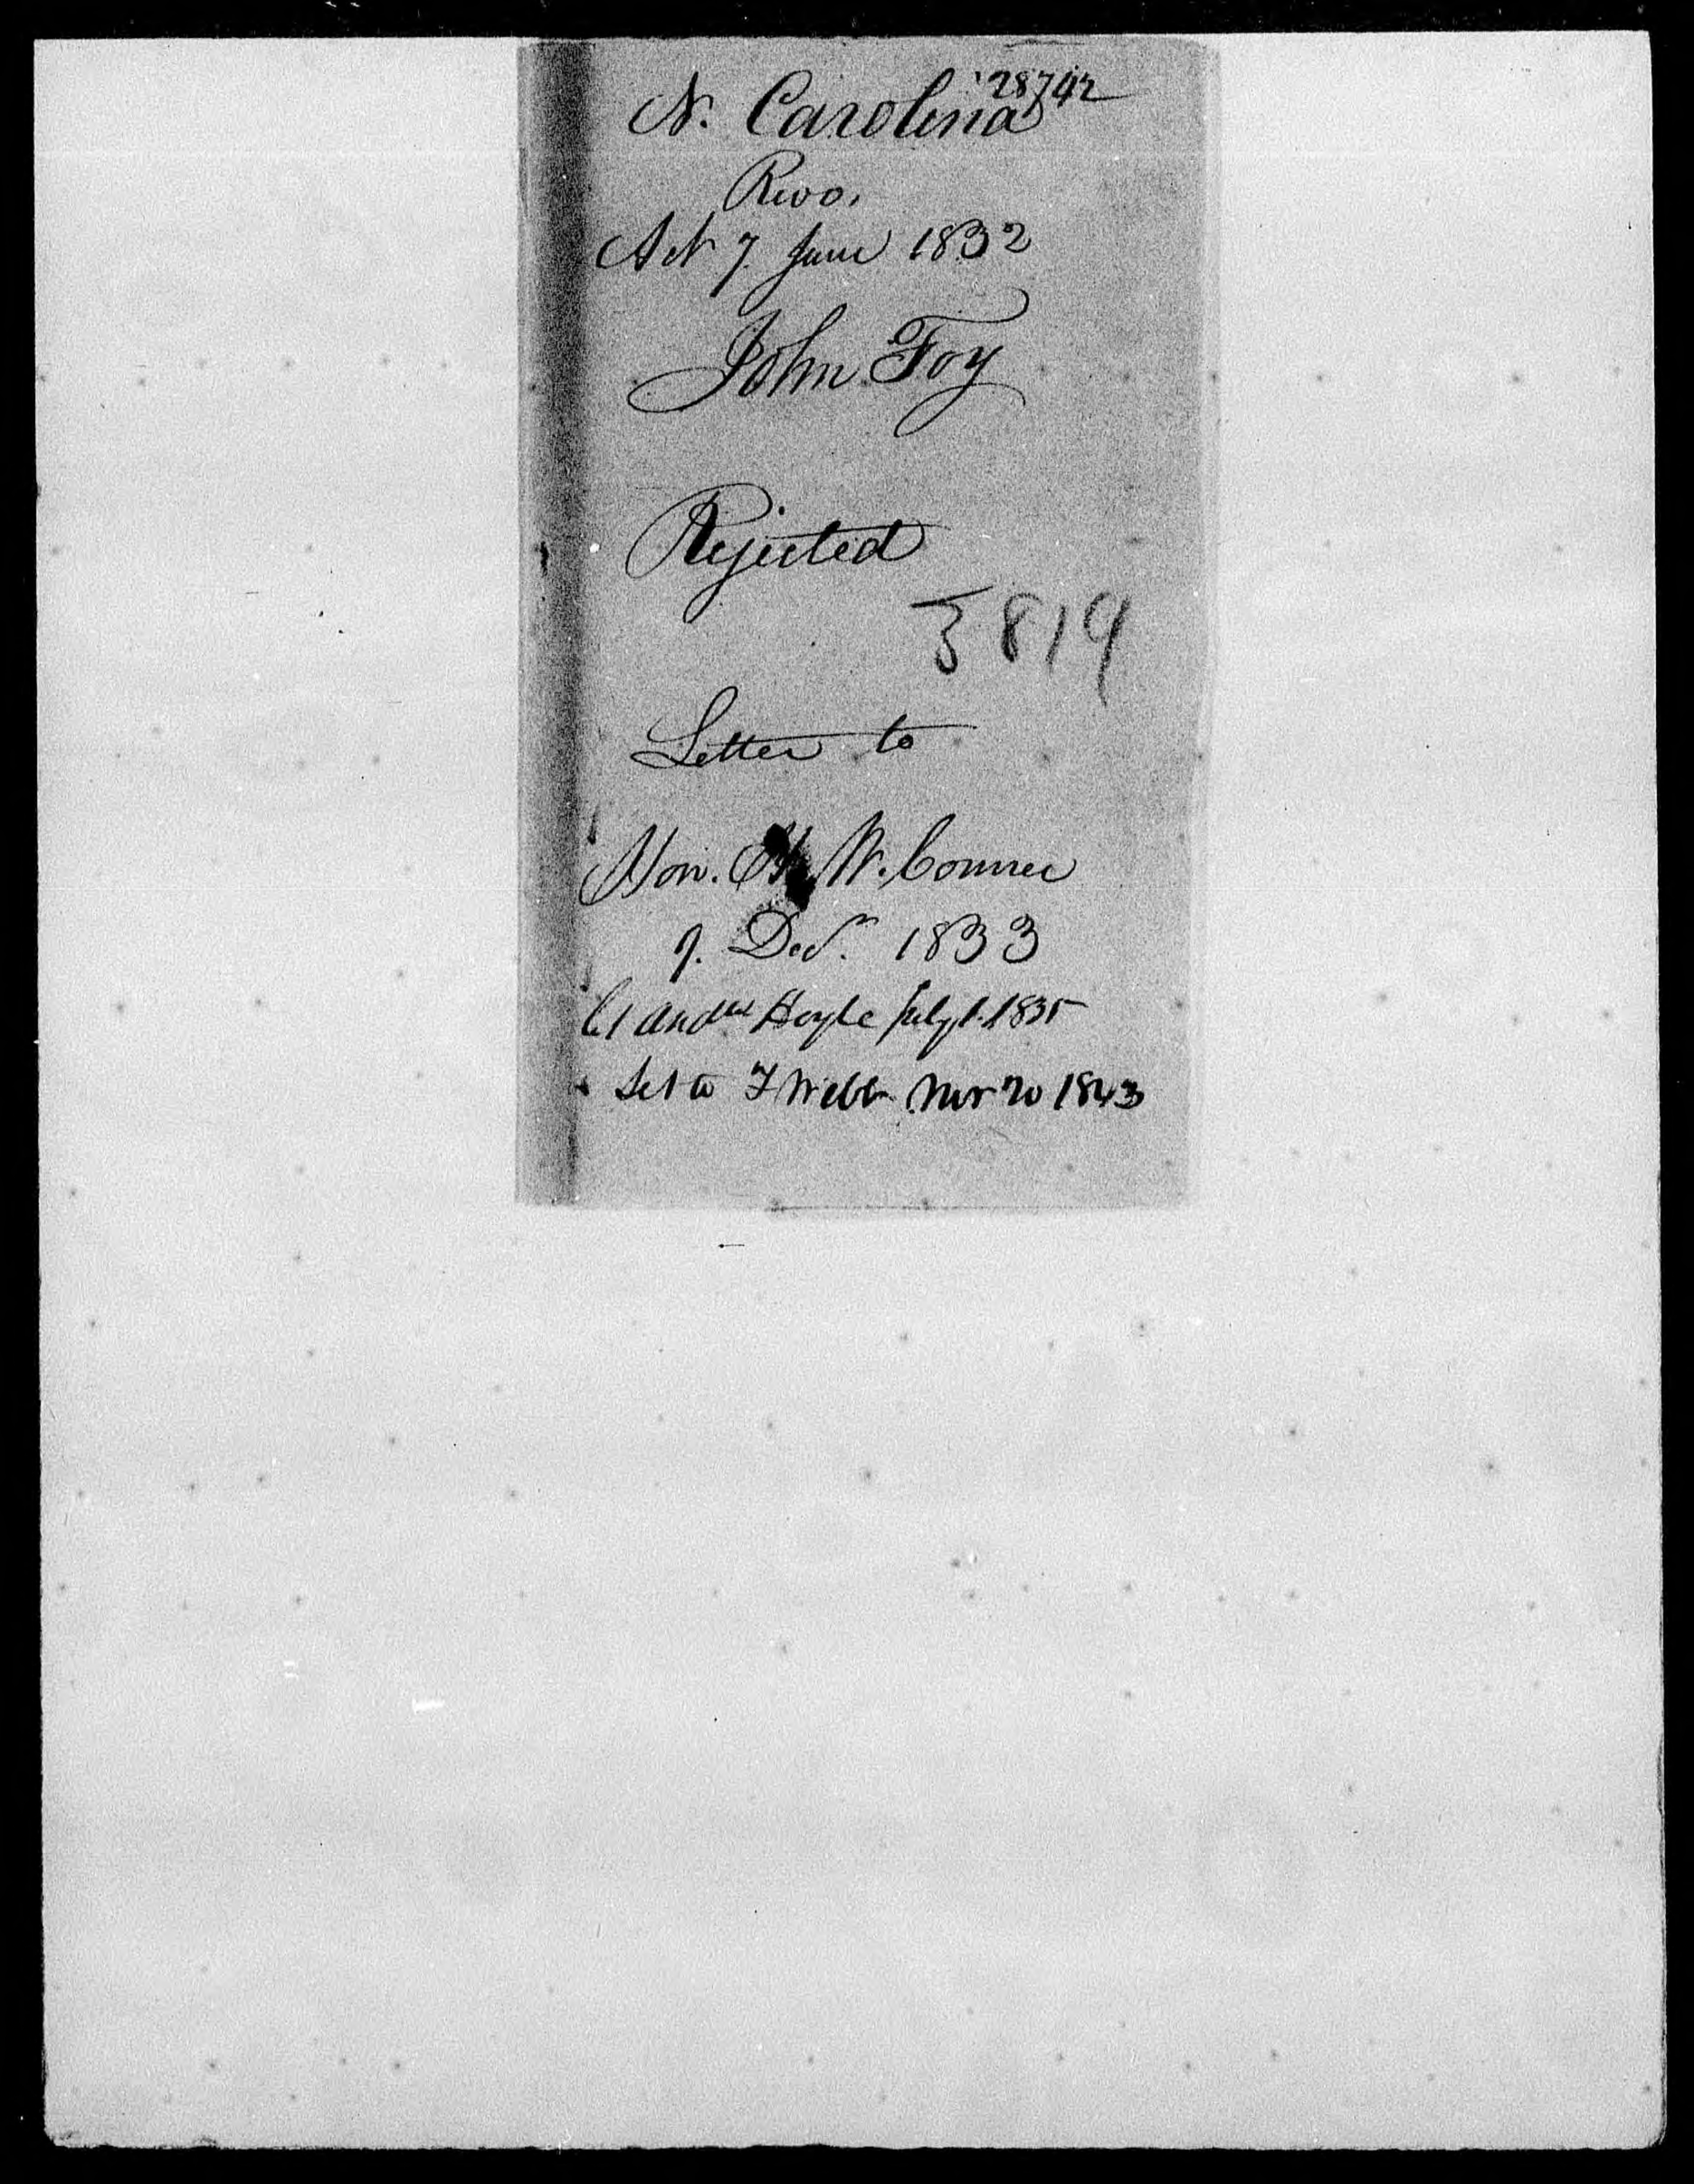N. Carolina 28742
Revo
Act 7 June 1832
John Foy

Rejected 3819

Letter to Hon H W Conner
7 Dec 1833
Cl and Hoyle July 1 1835
+ Set to F Miller Nov 20 1843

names: John Foy, Andw Hoyle, H W Conner, F Webb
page: 6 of 11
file: R., John Foy, New Jersey